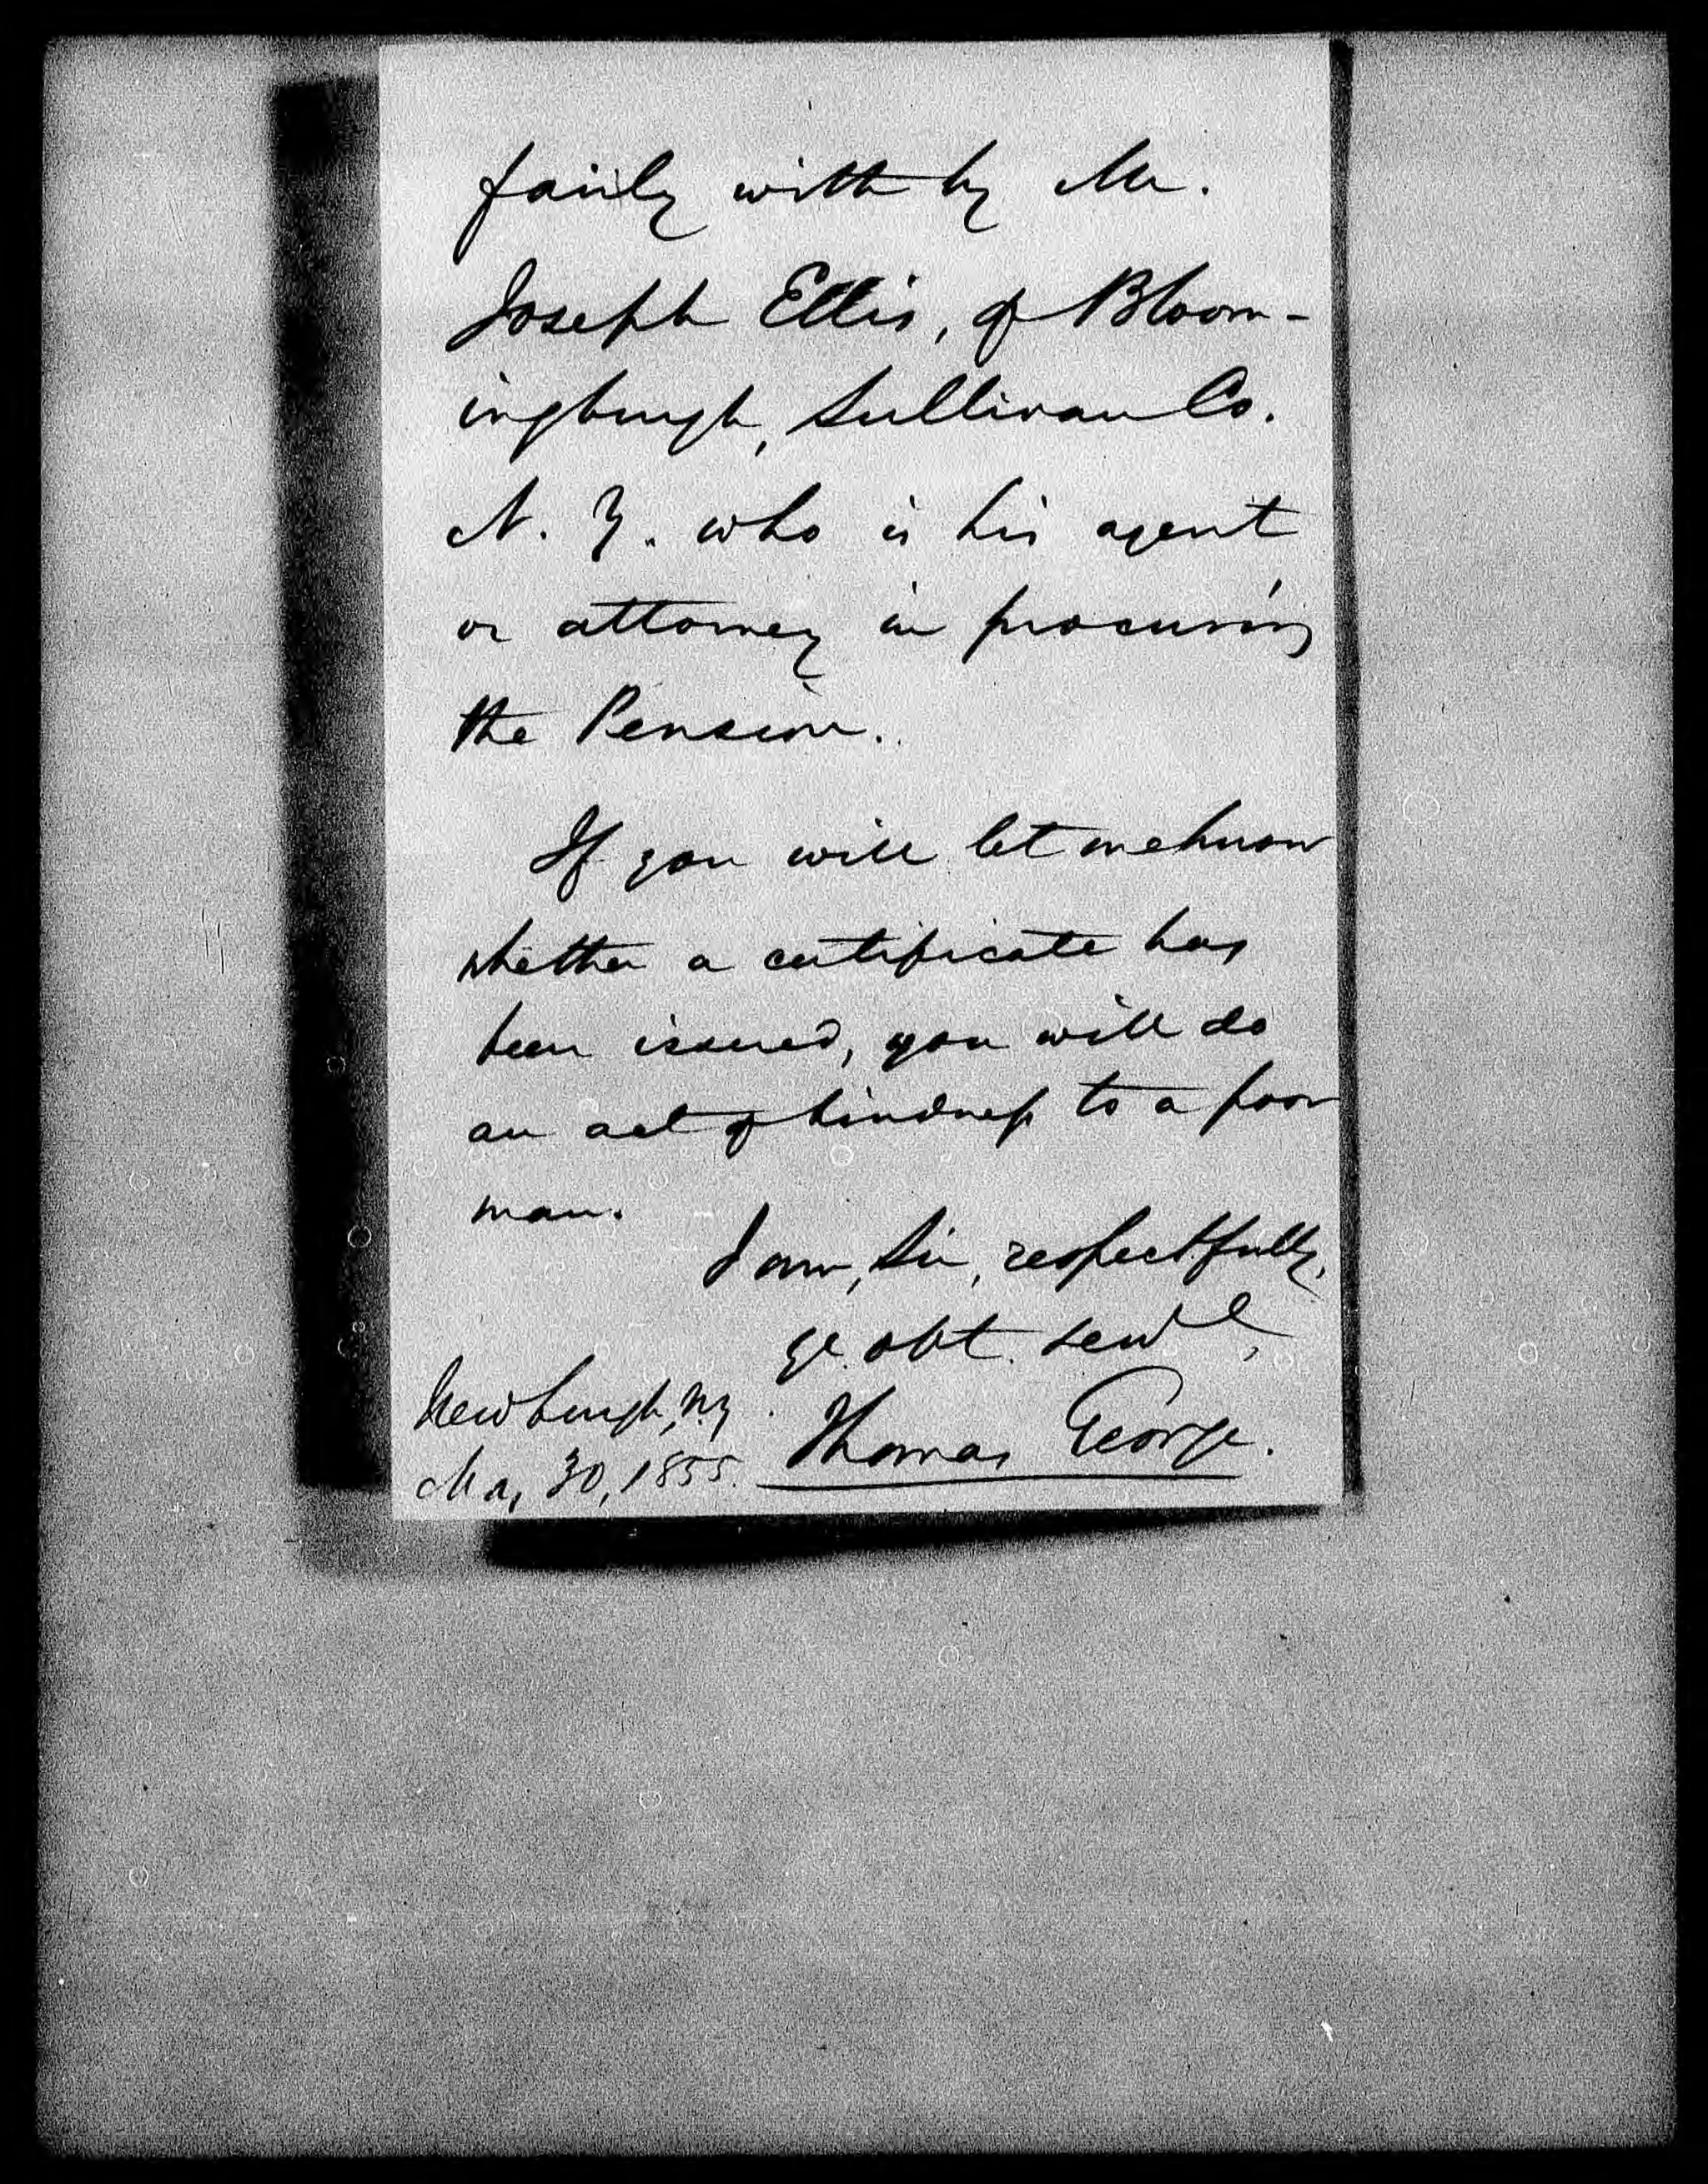fairly with by Mr Joseph Ellis, of Bloom ingbough Sullivan Co. N. Y. who is his agent or Pension or attorney in processing the Pension.
 If you will let me know
 whether a certificate has been issued, you will do an act of kindness to a poor man. 
I am, Sir, respectfully, obt sen . 
Thomas George
 Newburgh NY May 30, 1855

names: Thomas George; Joseph Ellis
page: 13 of 18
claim: rejected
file: R. 6002, for Abraham Kittle, New York